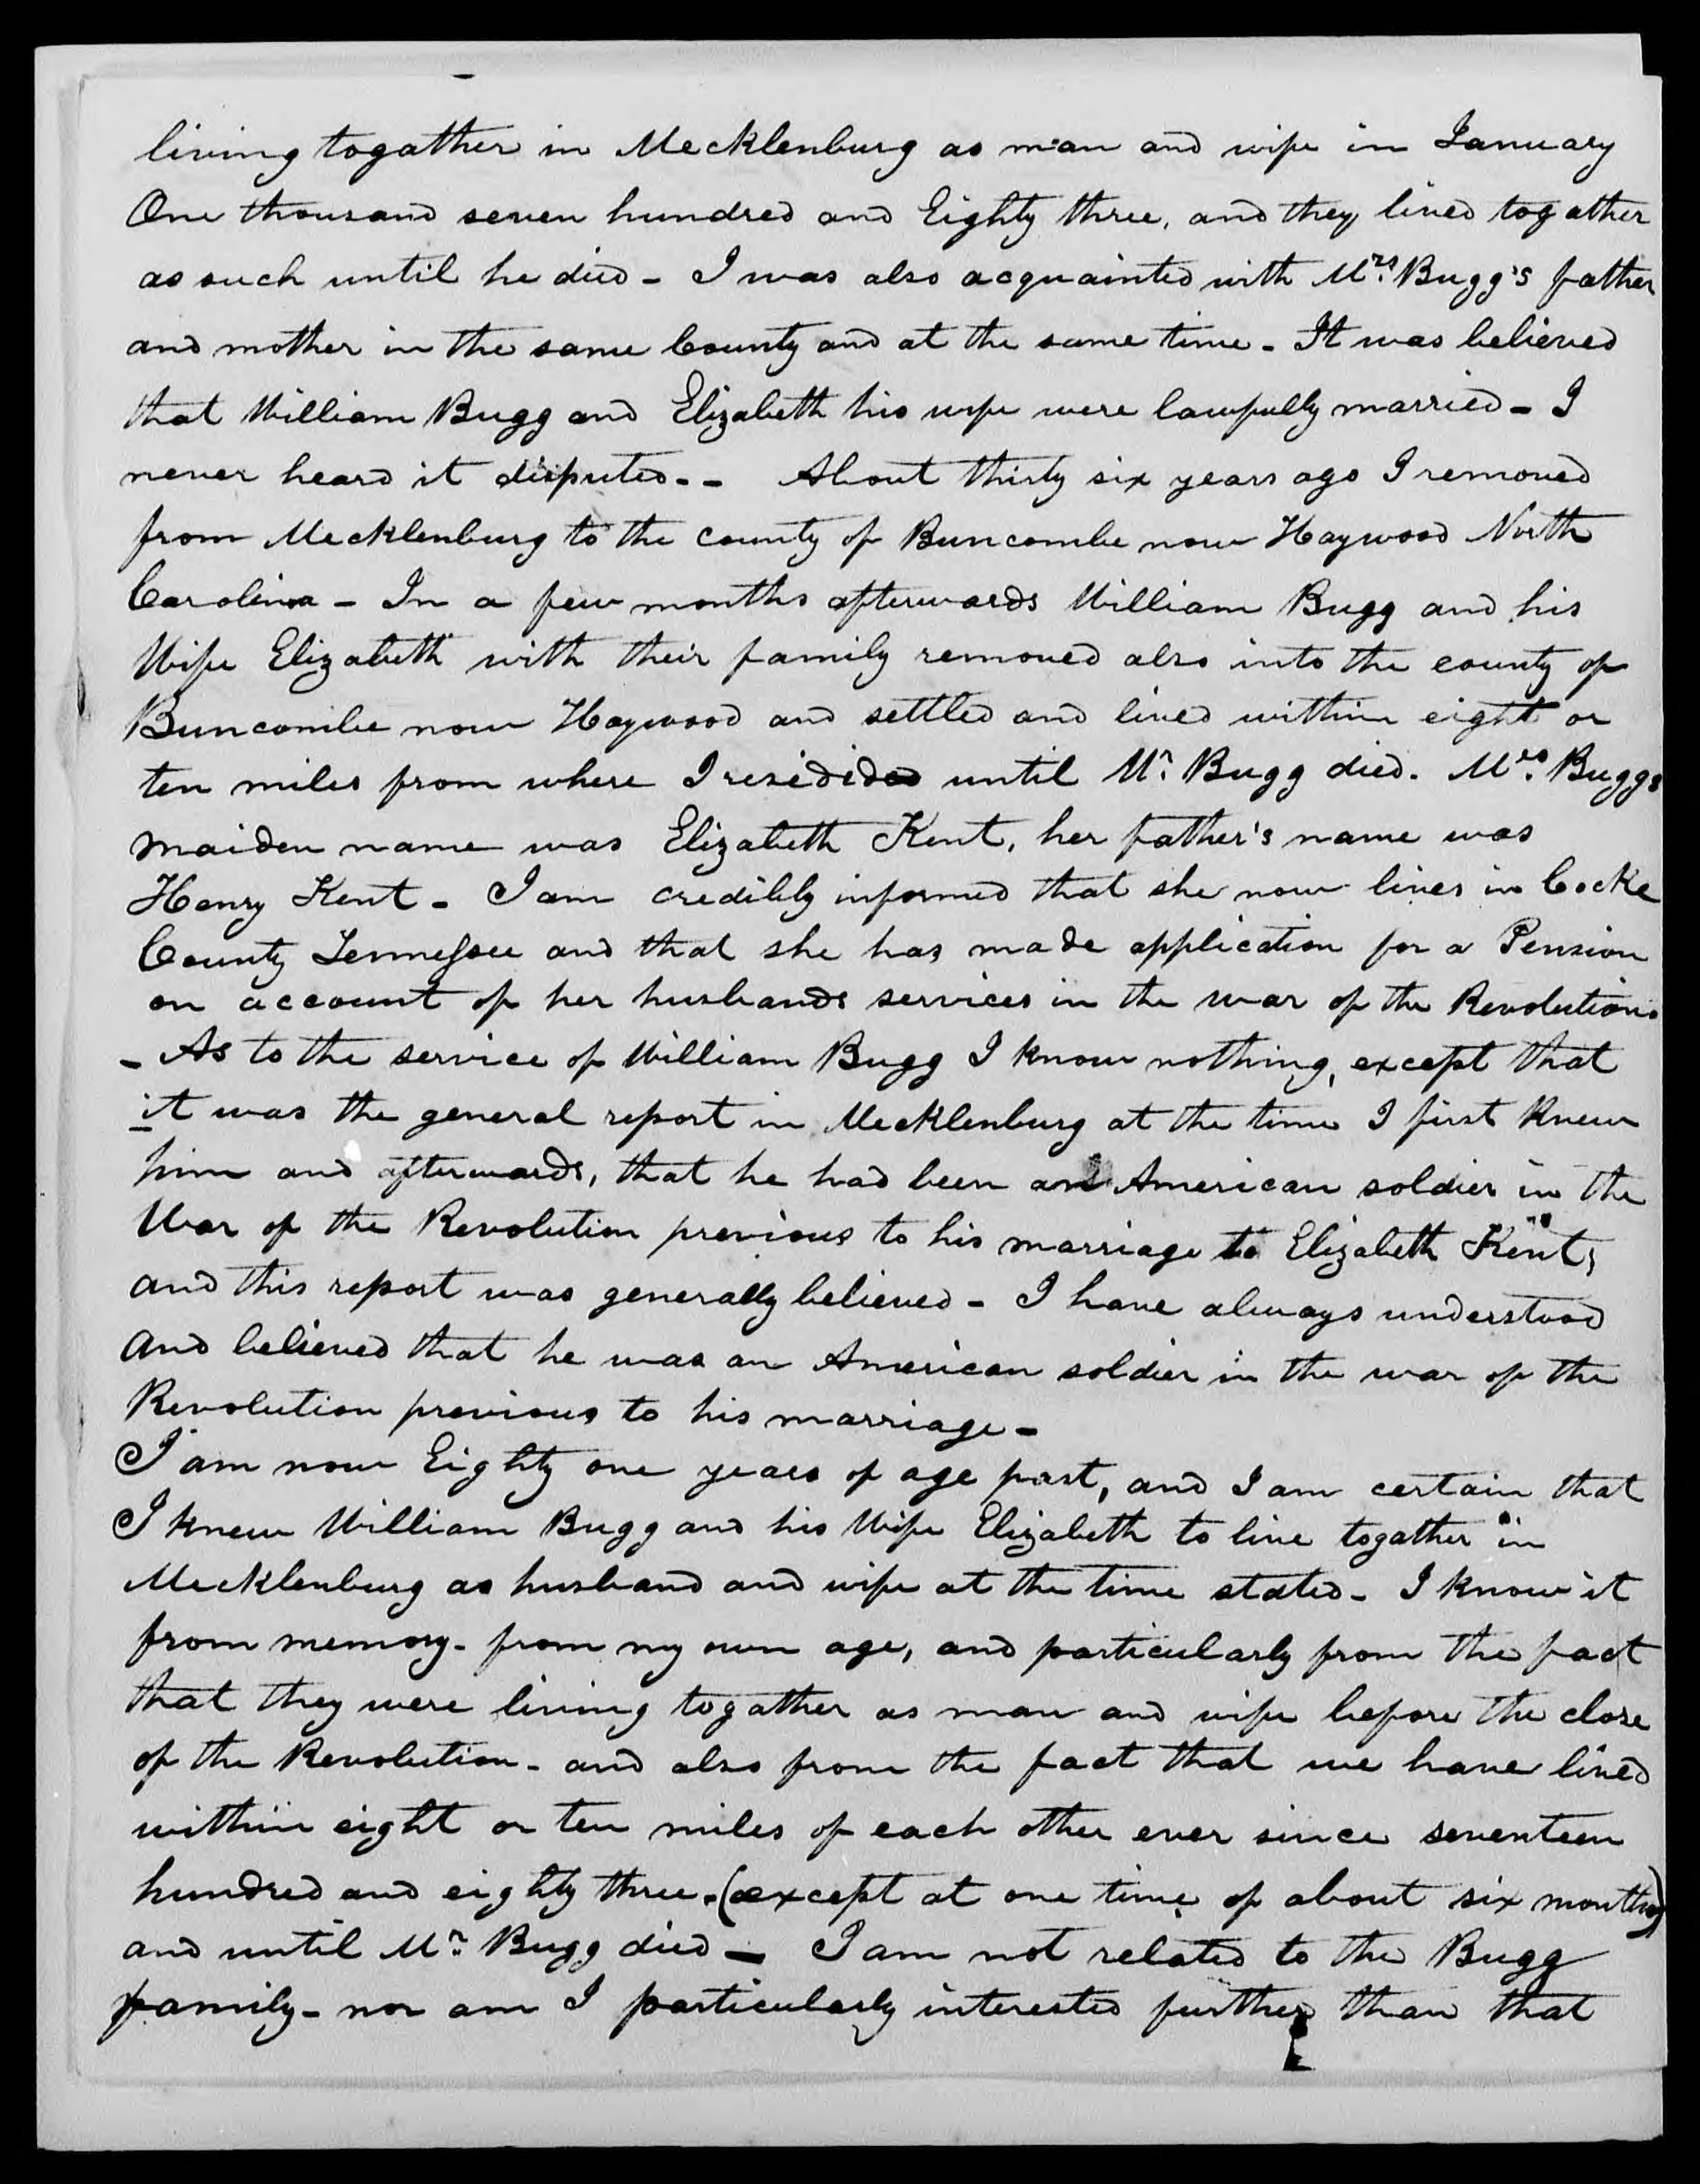living together in Mecklenburg as man and wife in January
One thousand seven hundred and Eighty three, and they lived together 
as such until he died - I was also acquainted with Mrs. Bugg's father 
and mother in the same county and at the same time - It was believed 
that William Bugg and Elizabeth his wife were lawfully married - I 
never heard it disputed-- 

[Occasional spacing has been included, to make the text easier to read.]

About thirty six years ago I removed from Mecklenburg to the county of Buncombe now Haywood North 
Carolina- In a few months afterwards William Bugg and his 
Wife Elizabeth with their family removed also into the county of
Buncombe now Haywood and settled and lived within eight or 
ten miles from where I resided until Mr. Bugg died. 

Mrs. Buggs Maiden name was Elizabeth Kent, her father's name was 
Henry Kent- I am credibly informed that she now lives in Cocke 
County Tennessee and that she has made application for a Pension 
on account of her husbands services in the war of the Revolution.-

As to the service of William Bugg I know nothing, except that
it was the general report in Mecklenburg at the time I first Knew 
him and afterwards, that he had been an American soldier in the 
War of the Revolution previous to his marriage to Elizabeth Kent, 
and this report was generally believed - I have always understood 
and believed that he was an American soldier in the war of the 
Revolution previous to his marriage-

I am Eighty one years of age past, and I am certain that
I knew William Bugg and his Wife Elizabeth to live together in 
Mecklenburg as husband and wife at the time stated- I know it
from memory- from my own age, and particularly from the fact 
that they were living together as man and wife before the close 
of the Revolution - and also from the fact that we have lived 
within eight or ten miles of each other ever since seventeen 
hundred and eighty three. (except at one time of about six months) 
and until Mr Bugg died - I am not related to the Bugg
family - nor am I particularly interested further than that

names: Buggs, William Bugg, Elizabeth, Elizabeth, William Bugg, Elizabeth Kent, Henry Kent, Elizabeth, Elizabeth, Bugg, William Bugg, Bugg, William Bugg, Bugg, Bugg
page: 13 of 50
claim: widow's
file: W. 898, William Bugg, N.C.